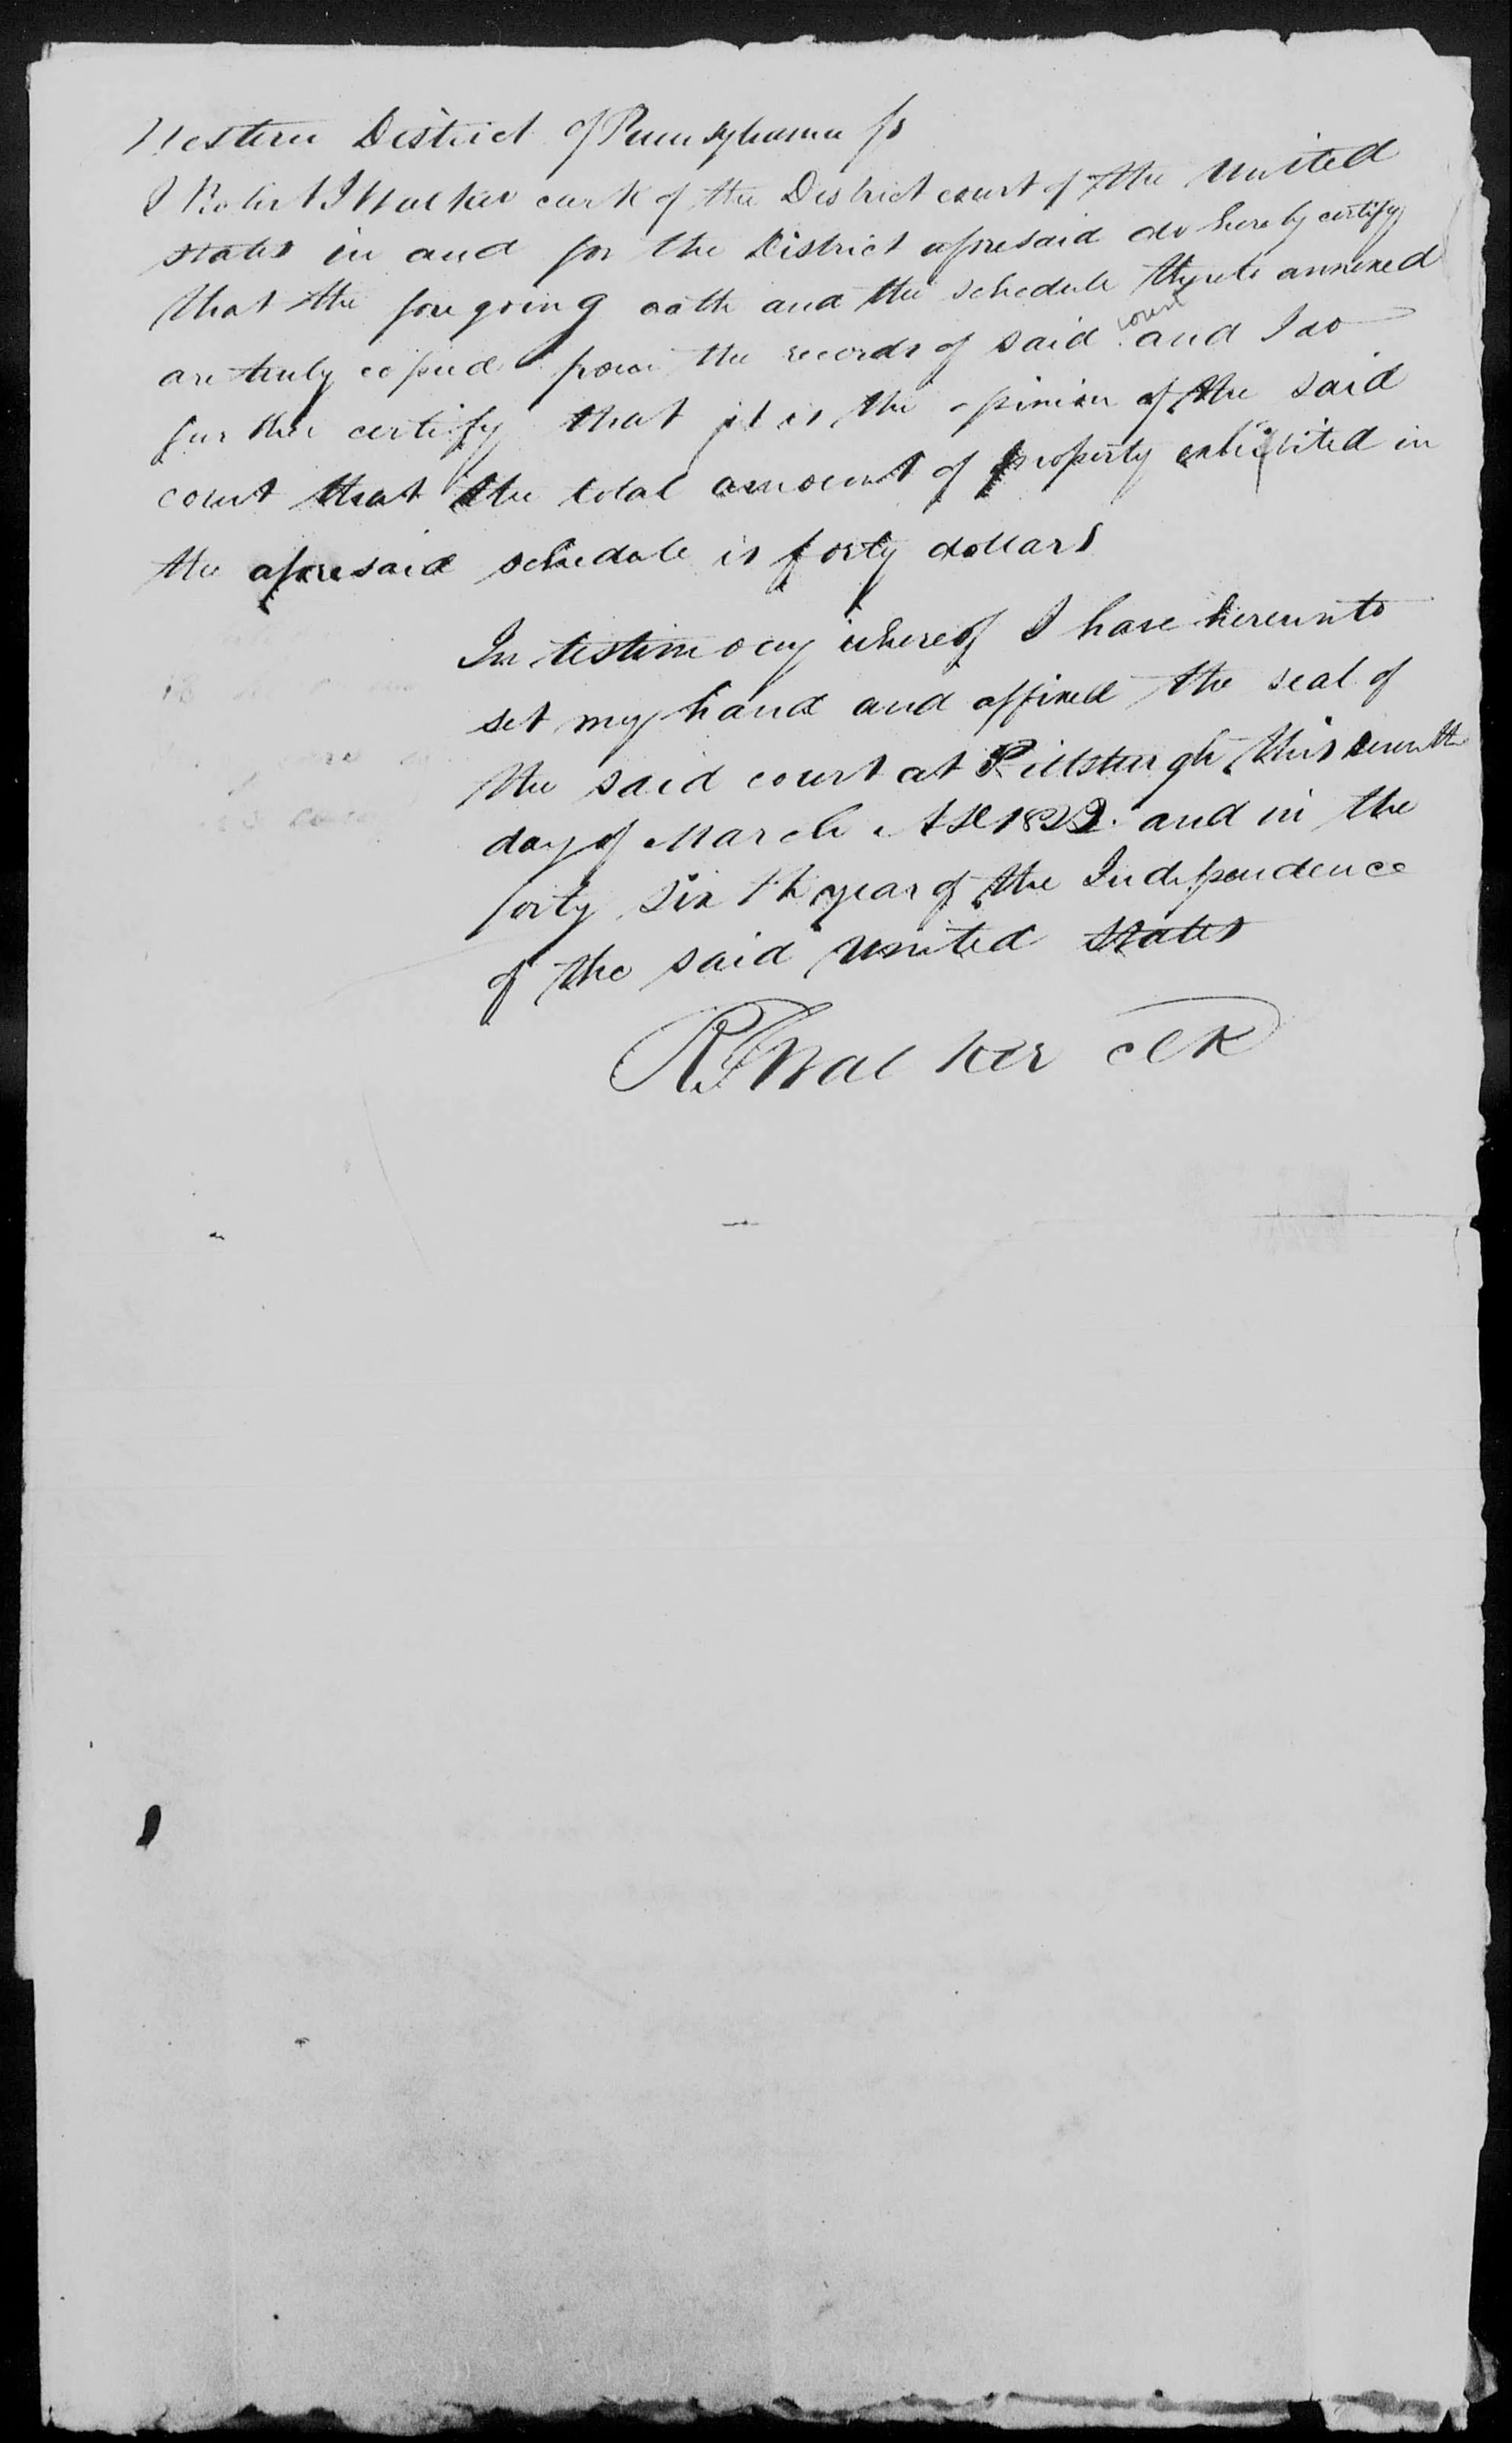[handwritten]
Western District of Pennsylvania

I Robert J Walker Clerk of the District court of the United States in and for the District aforesaid do hereby certify that the foregoing oath and the Schedule thereto annexed are truly copied from the records of said ^ court.  and I do further certify that it is the opinion of the Said court that the total amount of property exhibited in the aforesaid schedule is forty dollars
In testimony whereof I have set my hand and affixed the seal the said court at Pittsburgh this seventh day of March AD 1822. and in the forty sixth year of the Independence of the said United States

R J  Walker Clk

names: R J Walker, Robert J Walker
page: 10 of 19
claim: survivor's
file: S. 40,018, George Bowers, Md